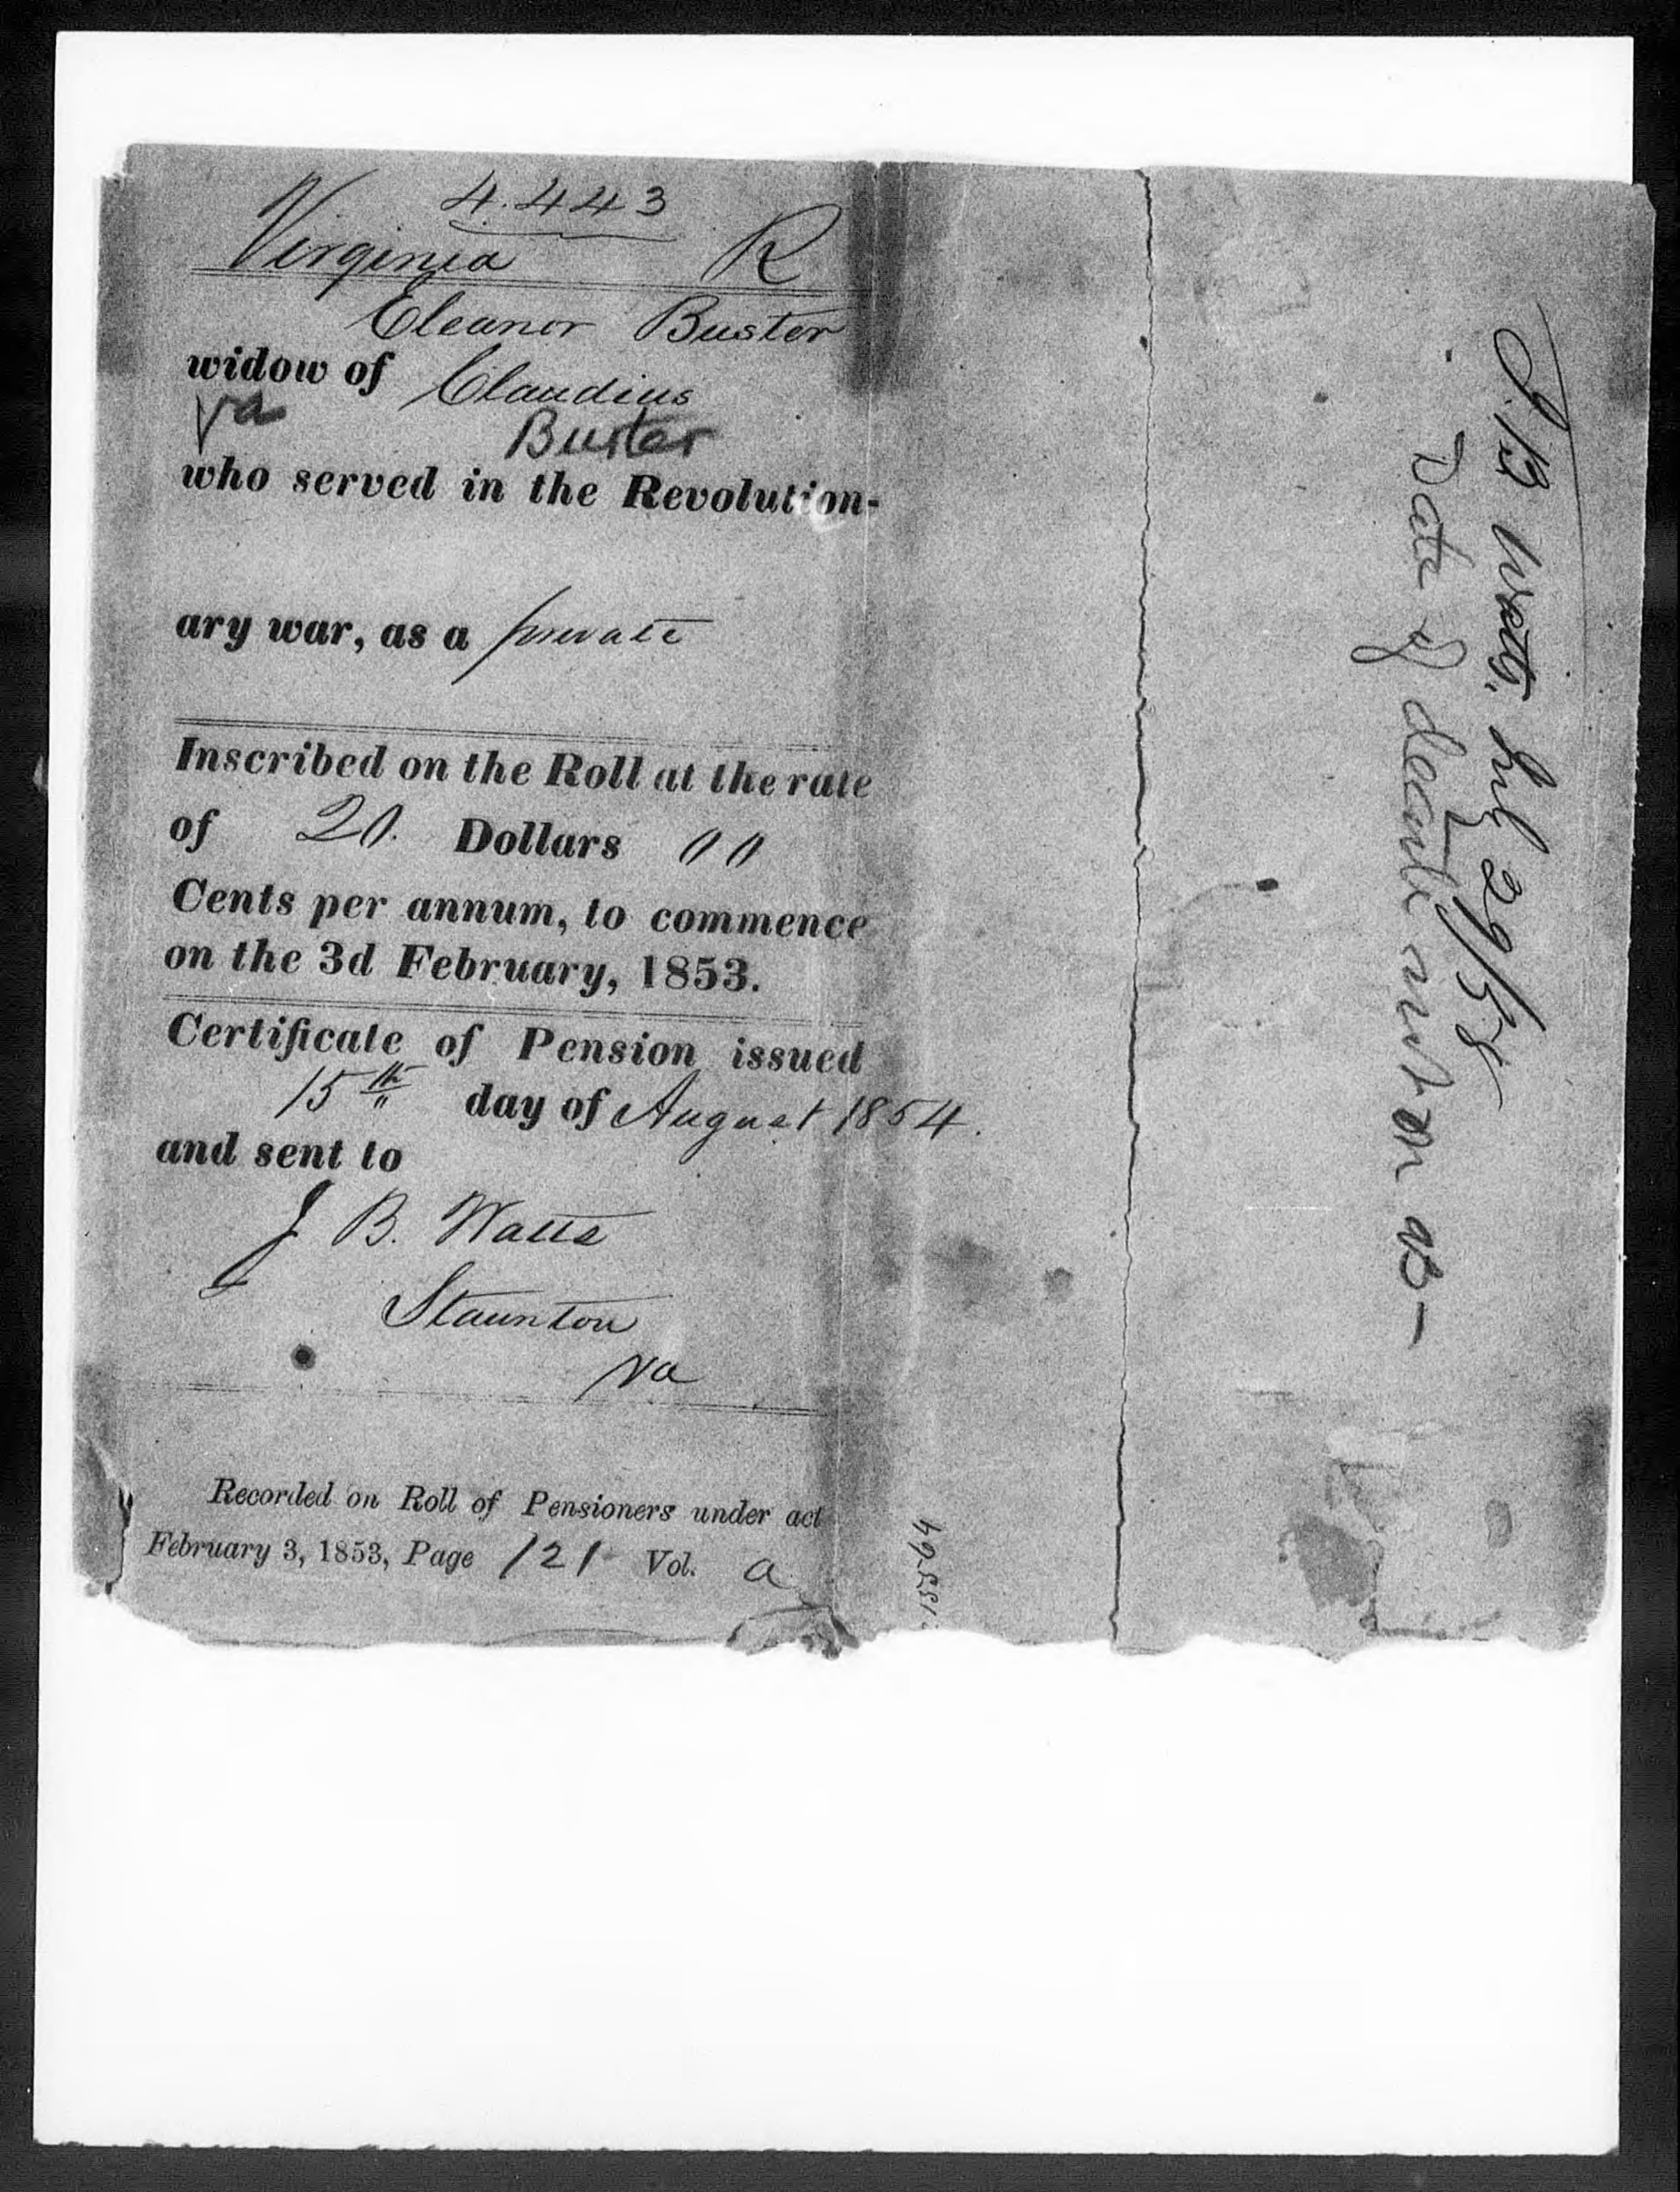4443
Virginia R
Eleanor Buster
widow of Claudius Buster Va
who served in the Revolutionary war, as a private

Inscribed on the Roll at the rate of 20 Dollars 00 Cents per annum, to commence on the 3d February, 1853.

Certificate of Pension issued 15th day of August 1854. and sent to J. B. Watts
Staunton Va

Recorded on Roll of Pensioners under act February 3, 1853, Page 121 Vol. A

J. B. Watts, July 29/58
Date of death not of AB-

15564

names: Eleanor Buster, J B Watts, Claudius Buster, J B Watts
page: 3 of 71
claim: widow's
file: W. 25310, Claudius Buster, Va.